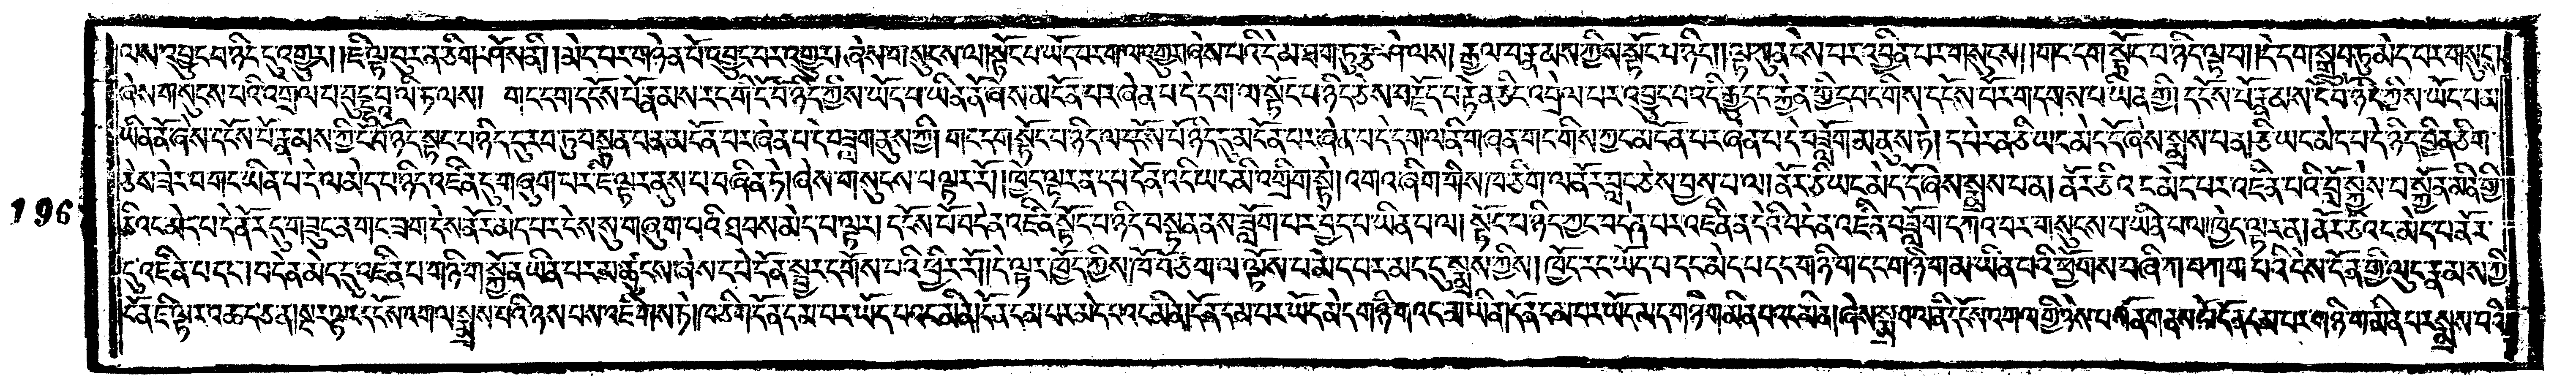ལས་འབྱུང་བ་ཉིད་དུ་འགྱུར། །ཇི་ལྟ་བུར་ན་ཅིག་ཤོས་ནི། །མེད་པར་གཉེན་པོ་འབྱུང་བར་འགྱུར། ཞེས་གསུངས་ལ། སྟོང་པ་ཡོད་པར་ག་ལ་འགྱུར། ཞེས་པའི་དེ་མ་ཐག་ཏུ་རྩ་ཤེ་ལས། རྒྱལ་བ་རྣམས་ཀྱིས་སྟོང་པ་ཉིད། །ལྟ་ཀུན་ངེས་པར་འབྱིན་པར་གསུངས། །གང་དག་སྟོང་པ་ཉིད་ལྟ་བ། །དེ་དག་སྒྲུབ་ཏུ་མེད་པར་གསུངས་
ཞེས་གསུངས་པའི་འགྲེལ་པ་བུདྡྷཱ་བཱ་ལི་ཏ་ལས། གང་དག་དངོས་པོ་རྣམས་རང་གི་ངོ་བོ་ཉིད་ཀྱིས་ཡོད་པ་ཡིན་ནོ་ཞེས་མངོན་པར་ཞེན་པ་དེ་དག་ལ་སྟོང་པ་ཉིད་ཅེས་བརྗོད་པ་རྟེན་ཅིང་འབྲེལ་བར་འབྱུང་བ་འདི་རྒྱུ་དང་རྐྱེན་གྱི་དབང་གིས་དངོས་པོར་གདགས་པ་ཡིན་གྱི། དངོས་པོ་རྣམས་ངོ་བོ་ཉིད་ཀྱིས་ཡོང་པ་མ་
ཡིན་ནོ་ཞེས་དངོས་པོ་རྣམས་ཀྱི་ངོ་བོ་ཉིད་སྟོང་པ་ཉིད་དུ་རབ་ཏུ་བསྟན་པ་ན་མངོན་པར་ཞེན་པ་དེ་བཟླག་ནུས་ཀྱི། གང་དག་སྟོང་པ་ཉིད་ལ་དངོས་པོ་ཉིད་དུ་མངོན་པར་ཞེན་པ་དེ་དག་ལ་ནི་གཞན་གང་གིས་ཀྱང་མངོན་པར་ཞེན་པ་དེ་བཟློག་མ་ནུས་ཏེ། དཔེར་ན་ཅི་ཡང་མེད་དོ་ཞེས་སྨྲས་པ་ན། ཅི་ཡང་མེད་པ་དེ་ཉིད་བྱིན་ཅིག་
ཅེས་ཟེར་བ་གང་ཡིན་པ་དེ་ལ་མེད་པ་ཉིད་འཛིན་དུ་གཞུག་པར་ཇི་ལྟར་ནུས་པ་བཞིན་ཏེ། ཞེས་གསུངས་པ་ལྟར་རོ། །ཁྱེད་ལྟར་ན་དཔེ་?་དོན་འདི་ཡང་མི་འགྲིག་སྟེ། འགའ་ཞིག་གིས་ཁ་ཅིག་ལ་ནོར་བླང་ཅེས་བྱས་པ་ལ། ནོར་ཅི་ཡང་མེད་དོ་ཞེས་སྨྲས་པ་ན། ནོར་ཅིའང་མེད་པར་འཛིན་པའི་བློ་སྐྱེས་པ་སྐྱོན་མིན་གྱི་
ཅིའང་མེད་པ་དེ་ནོར་དུ་གཟུང་ན་གང་ཟག་དེས་ནོར་མེད་པར་ངེས་སུ་གཞུག་པའི་ཐབས་མེད་པ་ལྟར། དངོས་པོ་བདེན་འཛིན་སྟོང་པ་ཉིད་བསྟན་ནས་ཟློག་པར་བྱེད་པ་ཡིན་པ་ལ། སྟོང་པ་ཉིད་ཀྱང་བདེན་པར་འཛིན་ན་དེའི་བདེན་འཛིན་བཟློག་དཀའ་བར་གསུངས་པ་ཡིན་པ་ལ། ཁྱེད་ལྟར་ན། ནོར་ཅིའང་མེད་པ་ནོར་
དུ་འཛིན་པ་དང་། བདེན་མེད་དུ་འཛིན་པ་གཉི་ག་སྐྱོན་ཡིན་པར་མཚུངས་ཞེས་དཔེ་དོན་སྦྱར་དགོས་པའི་ཕྱིར་རོ། །དེ་ལྟར་ཁྱོད་ཀྱིས་ཁོ་བོ་ཅག་ལ་ལྟོས་པ་མེད་པར་མང་དུ་སྨྲས་ཀྱིས། ཁྱོད་རང་ཡོད་པ་དང་མེད་པ་དང་གཉི་ག་དང་གཉི་ག་མ་ཡིན་པའི་ཕྱོགས་བཞི་ཀ་བཀག་པའི་ངེས་དོན་གྱི་ལུང་རྣམས་ཀྱི་
དོན་ཇི་ལྟར་འཆད་ཅན། སྔར་ལྟར་དངོས་འགལ་སྨྲས་བའི་ཉེས་པས་འཇིགས་ཏེ། ཁ་ཅིག་དོན་དམ་པར་ཡོད་པའང་མིན། དོན་དམ་པར་མེད་པའང་མིན་།དོན་དམ་པར་ཡོད་མེད་གཉི་གའང་མ་ཡིན། དོན་དམ་པར་ཡོད་མེད་གཉི་ག་མིན་པའང་མིན། ཞེས་སྨྲ་བ་ལ་ནི་དངོས་འགལ་གྱི་ཉེས་པ་སོ་ནག་ནས་པེ་?་དོན་དམ་པར་གཉི་ག་མན་པར་སྨྲས་པའི་